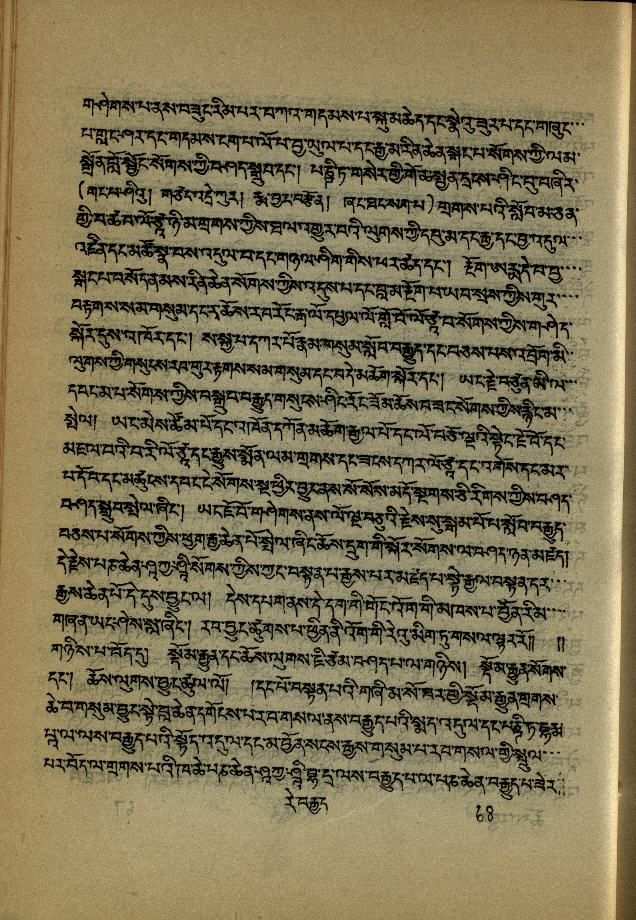གཤེགས་པ་ནས་བཟུང་རིམ་པར་བཀའ་གདམས་པ་སྐུ་མཆེད་དང་སྣེའུ་ཟུར་པ་དང་གཞུང་
པ་གླང་ཤར་དང་གདམས་ངག་པ་ལོ་པ་བྱ་ཡུལ་པ་དང་རྒྱ་མ་རིན་ཆེན་སྒང་པ་སོགས་ཀྱི་ལམ་
སྒྲོན་བློ་སྦྱོང་སོགས་ཀྱི་བཤད་སྒྲུབ་དང་། པཎྜི་ཏ་གསེར་གྱི་གོ་ཆ་སྤྱན་དྲངས་ཤིང་བུ་བཞིར་
གང་པ་ཤིའུ། གཙང་འདྲི་ཀུར། རྨ་བྱང་བརྩོན། །ཞང་ཐང་སག་པ་གྲགས་པའི་སློབ་མ་ཅན་
གྱི་བ་ཚབ་ལོ་ཙཱ་ཉི་མ་གྲགས་ཀྱིས་ཐལ་འགྱུར་བའི་ལུགས་ཀྱི་དབུ་མ་དང་རྒྱ་དང་བྱ་འདུལ་
འཛིན་དང་མཚོ་སྣ་པས་འདུལ་བ་དང་གཉལ་ཤིག་གིས་ཕར་ཚད་དང་། རྔོག་ཨརྱ་དེ་བ་བྱ་
སྒང་པ་བསོད་ནམས་རིན་ཆེན་སོགས་ཀྱིས་འདུས་པ་དང་བླ་མ་རྔོག་པ་ཡབ་སྲས་ཀྱིས་གུར་
བརྟགས་སམ་གསུམ་དང་རྭ་ཆོས་རབ་རོང་རྒ་ལོ་དཔྱལ་ལོ་གློ་བོ་ལོ་ཙཱ་བ་སོགས་ཀྱིས་གཤེད་
སྐོར་དུས་འཁོར་དང་། ས་སྐྱ་པ་དཀར་པོ་རྣམ་གསུམ་སློབ་བརྒྱུད་དང་བཅས་པས་འབྲོག་མི་
ལུགས་ཀྱི་གསུངས་རབ་གུར་རྟགས་སམ་གསུམ་དང་བདེ་མཆོག་སྐོར་དང་། ཡང་རྗེ་བཙུན་མི་ལ་
དབང་མ་པ་སོགས་ཀྱིས་བསྒྲུབ་བརྒྱུད་གསུངས་ཤིང་རོང་ཟོམ་ཆོས་བཟང་སོགས་ཀྱིས་རྙིང་མ་
སྤེལ། ཡང་མེས་ཚོམ་པོ་དང་འཁོན་དཀོན་མཆོག་རྒྱལ་པོ་དང་ལོ་བཅོ་ལྔའི་སྟེང་ཇོ་བོ་དང་
མཇལ་བའི་བ་རི་ལོ་ཙཱ་དང་རྒྱུས་སྨོན་ལམ་གྲགས་དང་ཟངས་དཀར་ལོ་ཙཱ་དང་འགོས་དང་མར་
པ་དོ་བ་དང་མཚུངས་དབང་ངེ་སོགས་སྔ་ཕྱིར་བྱུང་ནས་སོ་སོར་མདོ་སྔགས་ཅི་རིགས་ཀྱིས་བཤད་
བཤད་སྒྲུབ་སྤེལ་ཞིང་། ཡང་ཇོ་བོ་གཤེགས་ནས་ལོ་ལྔ་བཅུའི་རྗེས་སུ་སྒམ་པོ་པ་སློབ་བརྒྱུད་
བཅས་པ་སོགས་ཀྱིས་ཕྱག་རྒྱ་ཆེན་པོ་སྤེལ་ཞིང་ཆོས་དྲུག་གི་སྐོར་སོགས་ལ་བཤད་ཉན་མཛད།
དེ་རྗེས་པཎ་ཆེན་ཤཱཀྱ་ཤྲཱི་སོགས་ཀྱིས་ཀྱང་བསྟན་པ་རྒྱས་པར་མཛད་པ་སྟེ་རྒྱལ་བསྟན་དར་
རྒྱས་ཆེན་པོ་དེ་དུས་བྱུང་ལ། དེས་དཔག་ནས་དེ་དག་གི་གོང་འོག་གི་མཁས་པ་བྱོན་རིམ་
གཞན་ཡང་ཤེས་སླ་ཞིང་། རབ་བྱུང་ཚུགས་པ་ཕྱིན་ནི་འོག་གི་རེའུ་མིག་ཏུ་གསལ་ལྟར་རོ།། །།
གཉིས་པ་བོད་དུ། སྡོམ་རྒྱུན་དང་ཆོས་ལུགས་ཇི་ཙམ་བཤད་པ་ལ་གཉིས། སྡོམ་རྒྱུན་སོགས་
དང་། ཆོས་ལུགས་བྱུང་ཚུལ་ལོ། །དང་པོ་བསྟན་པའི་གཞི་མ་སོ་ཐར་གྱི་སྡོམ་རྒྱུན་གྲགས་
ཆེ་བ་གསུམ་བྱུང་སྟེ་བླ་ཆེན་དགོངས་པ་རབ་གསལ་ན་ས་བརྒྱུད་པའི་སྨད་འདུལ་དང་པཎྜི་ཏ་དྷརྨ་
པཱ་ལ་ལས་བརྒྱུད་པའི་སྟོད་འདུལ་དང་མ་བྱོན་སངས་རྒྱས་གསུམ་པ་རབ་གསལ་གྱི་སྤྲུལ་
པར་བོད་ལ་གྲགས་པའི་ཁ་ཆེ་པཎ་ཆེན་ཤཱཀྱ་ཤྲཱི་བྷ་དྲ་ལས་བརྒྱུད་པ་ལ་པཎ་ཆེན་བརྒྱུད་པ་ཟེར་